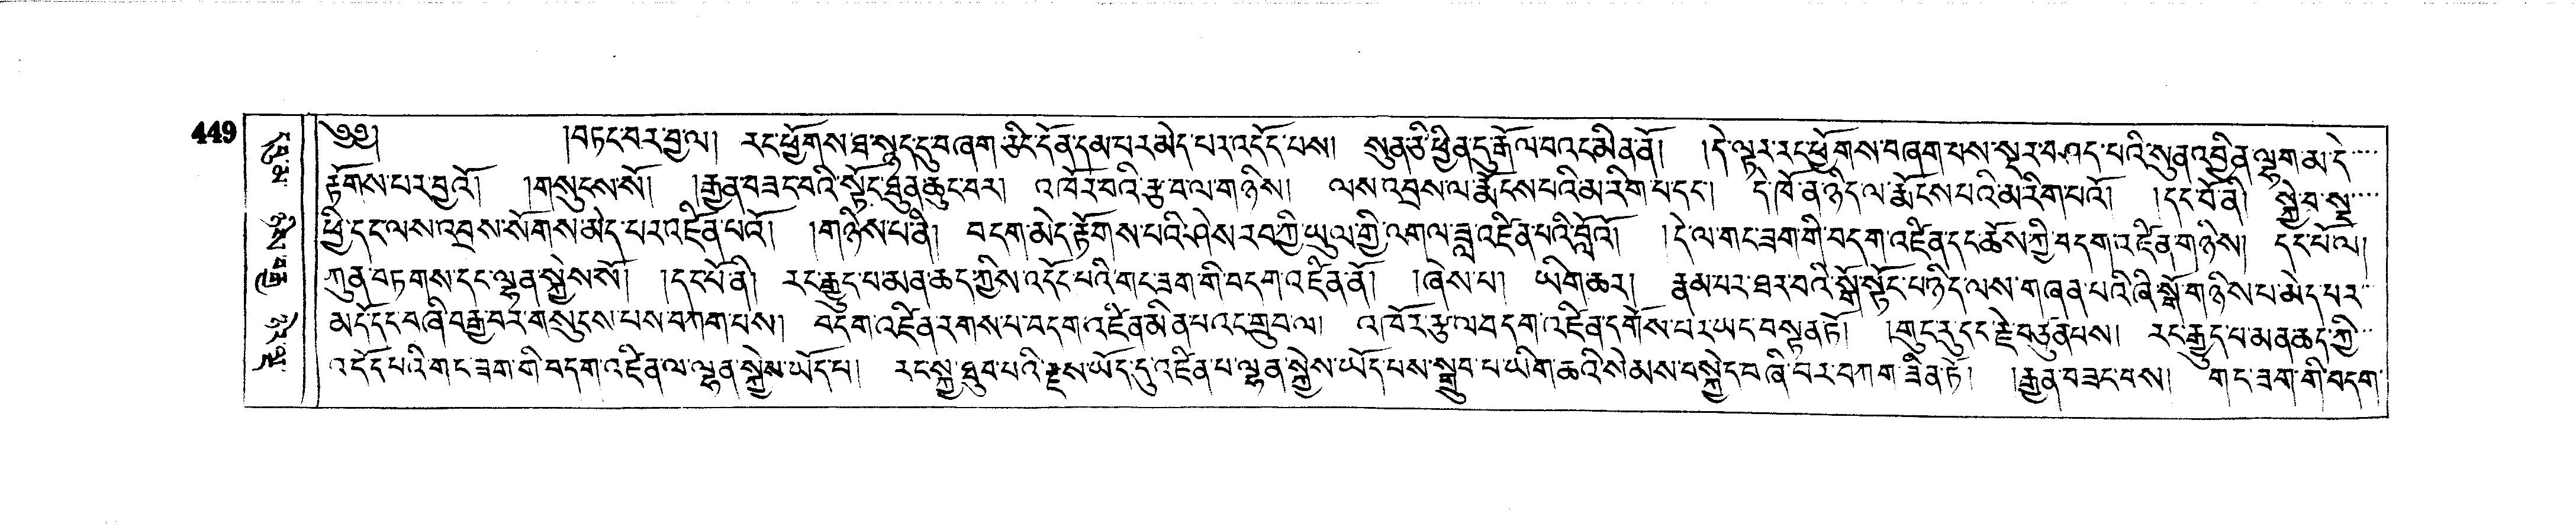༄༅། །བཏང་བར་བྱ་ལ། རང་ཕྱོགས་ཐ་སྙད་དུ་བཞག་ཅིང་དོན་དམ་པར་མེད་པར་འདོད་པས། སུན་ཅི་ཕྱིན་དུ་རྒོལ་བའང་མིན་ནོ། །དེ་ལྟར་རང་ཕྱོགས་བཞག་པས་སྔར་བཤད་པའི་སུན་འབྱིན་ལྷག་མ་དེ་
རྟོགས་པར་བྱའོ། །གསུངས་སོ། །རྒྱན་བཟང་བའི་སྟོང་ཐུན་ཆུང་བར། འཁོར་བའི་རྩ་བ་ལ་གཉིས། ལས་འབྲས་ལ་རྨོངས་པའི་མ་རིག་པ་དང་། དེ་ཁོ་ན་ཉིད་ལ་རྨོངས་པའི་མ་རིག་པའོ། །དང་བོ་ནི། སྐྱེ་བ་སྔ་
ཕྱི་དང་ལས་འབྲས་སོགས་མེད་པར་འཛིན་པའོ། །གཉིས་པ་ནི། བདག་མེད་རྟོགས་པའི་ཤེས་རབ་ཀྱི་ཡུལ་གྱི་འགལ་ཟླ་འཛིན་པའི་བློའོ། །དེ་ལ་གཟང་ཟག་གི་བདག་འཛིན་དང་ཆོས་ཀྱི་བདག་འཛིན་གཉིས། དང་པོ་ལ།
ཀུན་བཏགས་དང་ལྷན་སྐྱེས་སོ། །དང་པོ་ནི། རང་རྒྱུད་པ་མན་ཆད་ཀྱིས་འདོང་པའི་གང་ཟག་གི་བདག་འཛིན་ནོ། །ཞེས་པ། ཡིག་ཆར། རྣམ་པར་ཐར་བའི་སྒོ་སྟོང་པ་ཉིད་ལས་གཞན་པའི་ཞི་སྒོ་གཉིས་པ་མེད་པར་
མདོ་དང་བཞི་བརྒྱ་བར་གསུངས་པས་བཀག་པས། བདག་འཛིན་རགས་པ་བདག་འཛིན་མིན་པའང་གྲུབ་ལ། འཁོར་རྩ་ལ་བདག་འཛིན་དགོས་པར་ཡང་བསྟན་ཏོ། །གུང་རུ་དང་རྗེ་བཙུན་པས། རང་རྒྱུད་པ་མན་ཆད་ཀྱི་
འདོད་པའི་གང་ཟག་གི་བདག་འཛིན་ལ་ལྷན་སྐྱེས་ཡོད་པ། རང་སྐྱ་ཐུབ་པའི་རྫས་ཡོད་དུ་འཛིན་པ་ལྷན་སྐྱེས་ཡོད་པས་སྒྲུབ་པ་ཡིག་ཆའི་སེམས་བསྐྱེད་བཞི་བར་བཀག་ཟིན་ཏོ། །རྒྱན་བཟང་བས། གང་ཟག་གི་བདག་